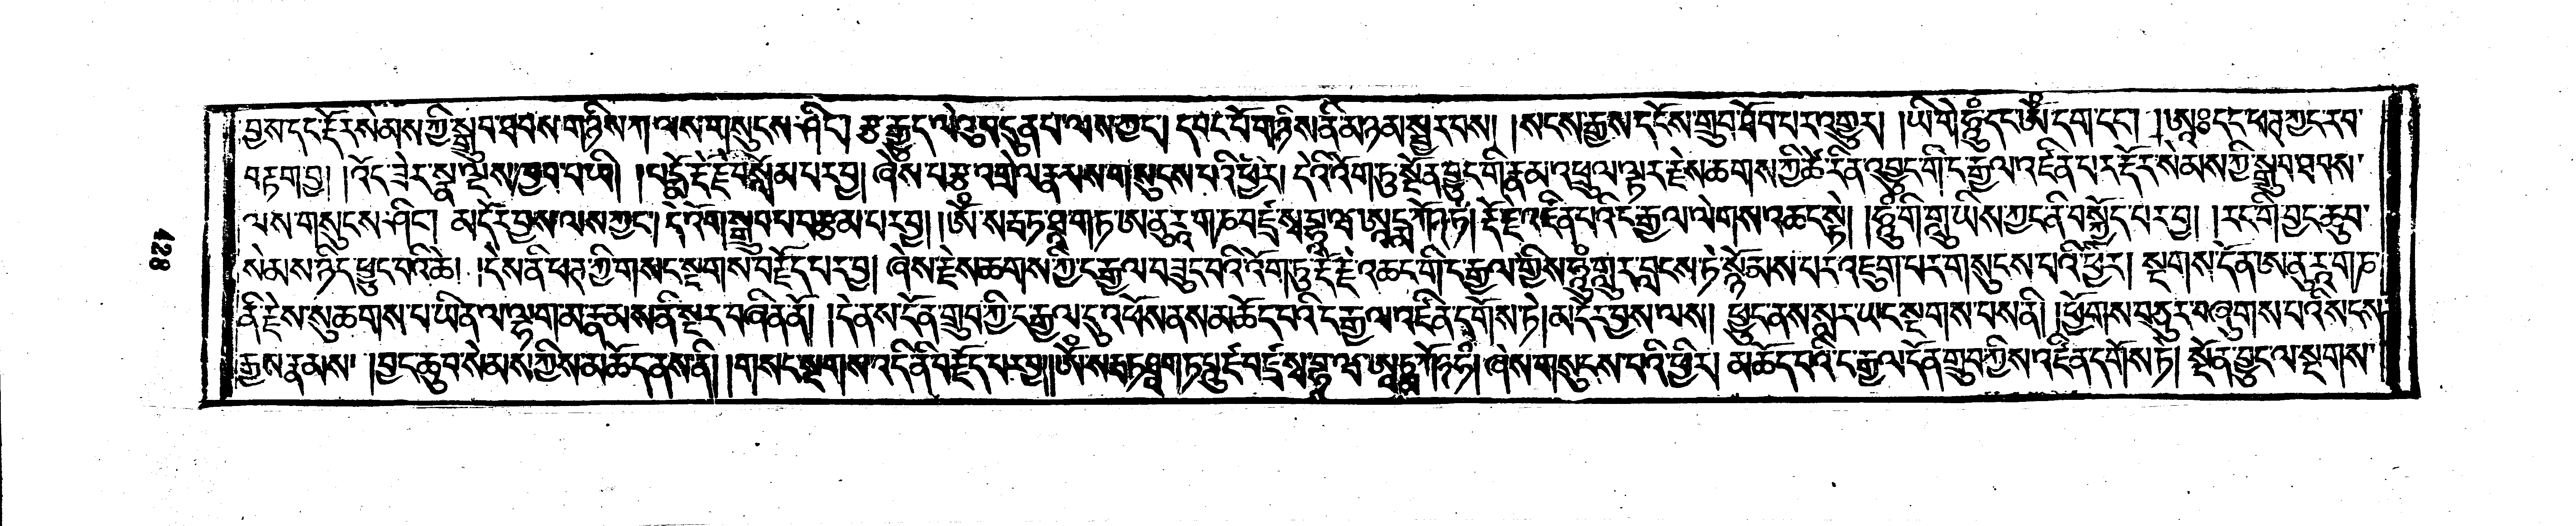བྱས་དང་རྡོར་སེམས་ཀྱི་སྒྲུབ་ཐབས་གཉིས་ཀ་ལས་གསུངས་ཤིང་། རྩ་རྒྱུད་ལེའུ་བདུན་པ་ལས་ཀྱང་། དབང་པོ་གཉིས་ནི་མཉམ་སྦྱར་བས། །སངས་རྒྱས་དངོས་གྲུབ་ཐོབ་པར་འགྱུར། །ཡི་གེ་ཧཱུཾ་དང་ཨོཾ་དག་དང་། །ཨཱཿ དང་ཕཊ་ཀྱང་རབ་
བརྟག་བྱ། །འོད་ཟེར་སྣ་ལྔས་ཁྱབ་པ་ཡི། །པདམོ་རྡོ་རྗེ་བསྒོམ་པར་བྱ། ཞེས་པ་རྩ་འགྲེལ་རྣམས་གསུངས་པའི་ཕྱིར། དེའི་འོག་ཏུ་སྔོན་བྱུང་གི་རྣམ་འཕྲུལ་ལྟར་རྗེས་ཆགས་ཀྱི་ཚེ་རིན་འབྱུང་གི་ང་རྒྱལ་འཛིན་པར་རྡོར་སེམས་ཀྱི་སྒྲུབ་ཐབས་
ལས་གསུངས་ཤིང་། མདོར་བྱས་ལས་ཀྱང་། དེ་འོག་སྒྲུབ་པ་བརྩམ་པར་བྱ། །ཨོཾ་སརྦ་ཏ་ཐཱ་ག་ཏ་ཨ་ནུ་རཱ་གཎ་བཛྲ་སྭ་བྷཱ་ཝ་ཨཱདམ་ཀོཉཧ། རྡོ་རྗེ་འཛིན་པའི་ང་རྒྱལ་ལེགས་འཆང་སྟེ། །ཧཱུཾ་གི་གླུ་ཡིས་ཀྱང་ནི་བསྐྱོད་པར་བྱ། །རང་གི་བྱང་ཆུབ་
སེམས་ཉིད་ཕྱུང་བའི་ཚེ། །དེས་ནི་ཕཊ་ཀྱི་གསང་སྔགས་བརྗོད་པར་བྱ། ཞེས་རྗེས་ཆགས་ཀྱི་ང་རྒྱལ་བཟུང་བའི་འོག་ཏུ་རྡོ་རྗེ་འཆང་གི་ང་རྒྱལ་གྱིས་ཧཱུཾ་གླུར་བླངས་ཏེ་སྙོམས་པར་འཇུག་པར་གསུངས་པའི་ཕྱིར། སྔགས་དོན་ཨ་ནུ་རཱ་གཎ་
ནི་རྗེས་སུ་ཆགས་པ་ཡིན་ལ་ལྷག་མ་རྣམས་ནི་སྔར་བཞིན་ནོ། །དེ་ནས་དོན་གྲུབ་ཀྱི་ང་རྒྱལ་དུ་འཕོས་ནས་མཆོད་པའི་ང་རྒྱལ་འཛིན་དགོས་ཏེ། མདོར་བྱས་ལས། ཕྱུང་ནས་སླར་ཡང་སྔགས་པས་ནི། །ཕྱོགས་བཅུར་བཞུགས་པའི་སངས་
རྒྱས་རྣམས། བྱང་ཆུབ་སེམས་ཀྱིས་མཆོད་ནས་ནི། །གསང་སྔགས་འདི་ནི་བརྗོད་པར་བྱ། །ཨོཾ་སརྦ་ཏ་ཐཱ་ག་ཏ་པཱུ་ཛ་བཛྲ་སྭ་བྷ་ཝ་ཨཱ་ཏྨ་ཀོ་ཉཧཾ། ཞེས་གསུངས་པའི་ཕྱིར། མཆོད་པའི་ང་རྒྱལ་དོན་གྲུབ་ཀྱིས་འཛིན་དགོས་ཏེ། སྔོན་བྱུང་ལ་སྔགས་